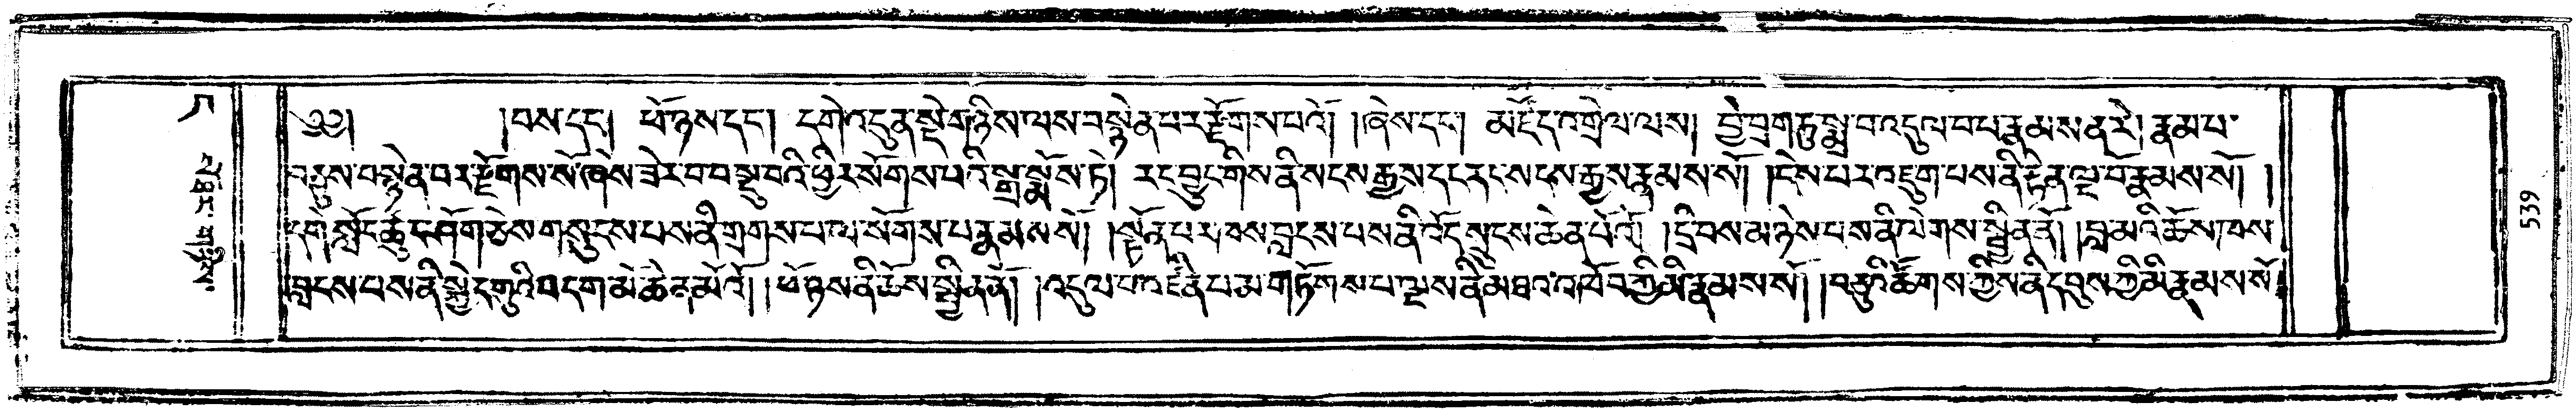༄༅། །བས་དང་། ཕོ་ཉས་དང་། དགེ་འདུན་སྡེ་གཉིས་ལས་བསྙེན་པར་རྫོགས་པའོ། །ཞེས་དང་། མཛོད་འགྲེལ་ལས། བྱེ་བྲག་ཏུ་སྨྲ་བ་འདུལ་བ་པ་རྣམས་ན་རེ། རྣམ་པ་
བཅུས་བསྙེན་པར་རྫོགས་སོ་ཞེས་ཟེར་བ་བསྡུ་པའི་ཕྱིར་སོགས་པའི་སྒྲ་སྨོས་ཏེ། རང་བྱུང་གིས་ནི་སངས་རྒྱས་དང་རང་སངས་རྒྱས་རྣམས་སོ། །དེས་པར་འཇུག་པས་ནི་རྟེན་ལྔ་པོ་རྣམས་སོ། །
དགེ་སློང་ཚུར་ཤོག་ཅེས་གསུངས་པས་ནི་གྲགས་པ་ལ་སོགས་པ་རྣམས་སོ། །སྟོན་པར་ཁས་བླངས་པས་ནི་འོད་སྲུངས་ཆེན་པོའོ། །དྲི་བས་མཉེས་པས་ནི་ལེགས་སྦྱིན་ནོ། །བླ་མའི་ཆོས་ཁས་
བླངས་པས་ནི་སྐྱེད་གུའི་བདག་མོ་ཆེན་མོའོ། །པོ་ཉས་ནི་ཆོས་སྦྱིན་ནོ། །འདུལ་པ་འཛིན་པ་མ་གཏོགས་པ་ལྔས་ནི་མཐའ་འཁོབ་བ་ཀྱི་མི་རྣམས་སོ། །བཅུའི་ཚོགས་ཀྱིས་ནི་དབུས་ཀྱི་མི་རྣམས་སོ།